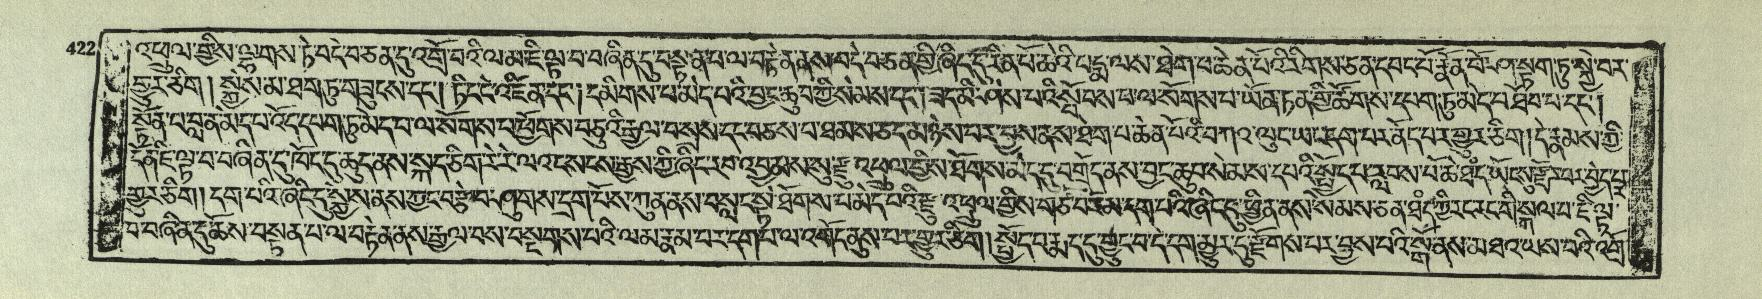འཕྲུལ་གྱིས་ལྷགས་ཏེ་བདེ་བ་ཅན་དུ་འགྲོ་བའི་ལམ་ཇི་ལྟ་བ་བཞིན་དུ་བསྟན་པ་ལ་བརྟེན་ནས་བདེ་བ་ཅན་གྱི་ཞིང་དུ་རིན་པོ་ཆེའི་པདམ་ལས་ཐེག་པ་ཆེན་པོའི་རིགས་ཅན་དབང་པོ་རྣོན་བོ་ཤ་སྟག་ཏུ་སྐྱེ་བར་
གྱུར་ཅིག །སྐྱེས་མ་ཐག་ཏུ་གཟུངས་དང་། ཏིང་ངེ་འཛིན་དང་། དམིགས་པ་མེད་པའི་བྱང་ཆུབ་ཀྱི་སེམས་དང་། ཟད་མི་ཤེས་པའི་སྤོབས་པ་ལ་སོགས་པ་ཡོན་ཏན་གྱི་ཚོགས་དཔག་ཏུ་མེད་པ་ཐོབ་པ་དང་།
སྟོན་པ་བླ་ན་མེད་པ་འོད་དཔག་ཏུ་མེད་པ་ལ་སོགས་པ་ཕྱོགས་བཅུའི་རྒྱལ་བ་སྲས་དང་བཅས་པ་ཐམས་ཅད་མཉེས་པར་བྱས་ནས་ཐེག་པ་ཆེན་པོའི་བཀའ་ལུང་ཡང་དག་པར་ནོད་པར་གྱུར་ཅིག །དེ་རྣམས་ཀྱི་
དོན་ཇི་ལྟ་བ་བཞིན་དུ་ཁོང་དུ་ཆུད་ནས་སྐད་ཅིག་རེ་རེ་ལའང་སངས་རྒྱས་ཀྱི་ཞིང་རབ་འབྱམས་སུ་རྫུ་འཕྲུལ་གྱིས་ཐོགས་མེད་དུ་བགྲོད་ནས་བྱང་ཆུབ་སེམས་དཔའི་སྤྱོད་པ་རླབས་པོ་ཆེ་ཐཾད་ཡོང་སུ་རྫོཌ་བར་བྱེད་པར་
གྱུར་ཅིག །དག་པའི་ཞིང་དུ་སྐྱེས་ནས་ཀྱང་བརྩེ་བ་ཤུགས་དྲག་པོས་ཀུན་ནས་བསླང་སྟེ་ཐོགས་པ་མེད་པའི་རྫུ་འཕྲུལ་གྱིས་གཙོ་བོར་མ་དག་པའི་ཞིང་དུ་ཕྱིན་ནས་སེམས་ཅན་ཐཾད་ཀྱི་རང་རང་གི་སྐལ་པ་ཇི་ལྟ་
བ་བཞིན་དུ་ཆོས་བསྟན་པ་ལ་བརྟེན་ནས་རྒྱལ་བས་བསྔགས་པའི་ལམ་རྣམ་པར་དག་པ་ལ་འགོད་ནུས་པར་གྱུར་ཅིག །སྤྱོད་པ་རྨད་དུ་བྱུང་བ་དེ་དག་མྱུར་དུ་རྫོགས་པར་བྱས་པའི་སྒོ་ནས་མཐའ་ཡས་བའི་འགྲོ་